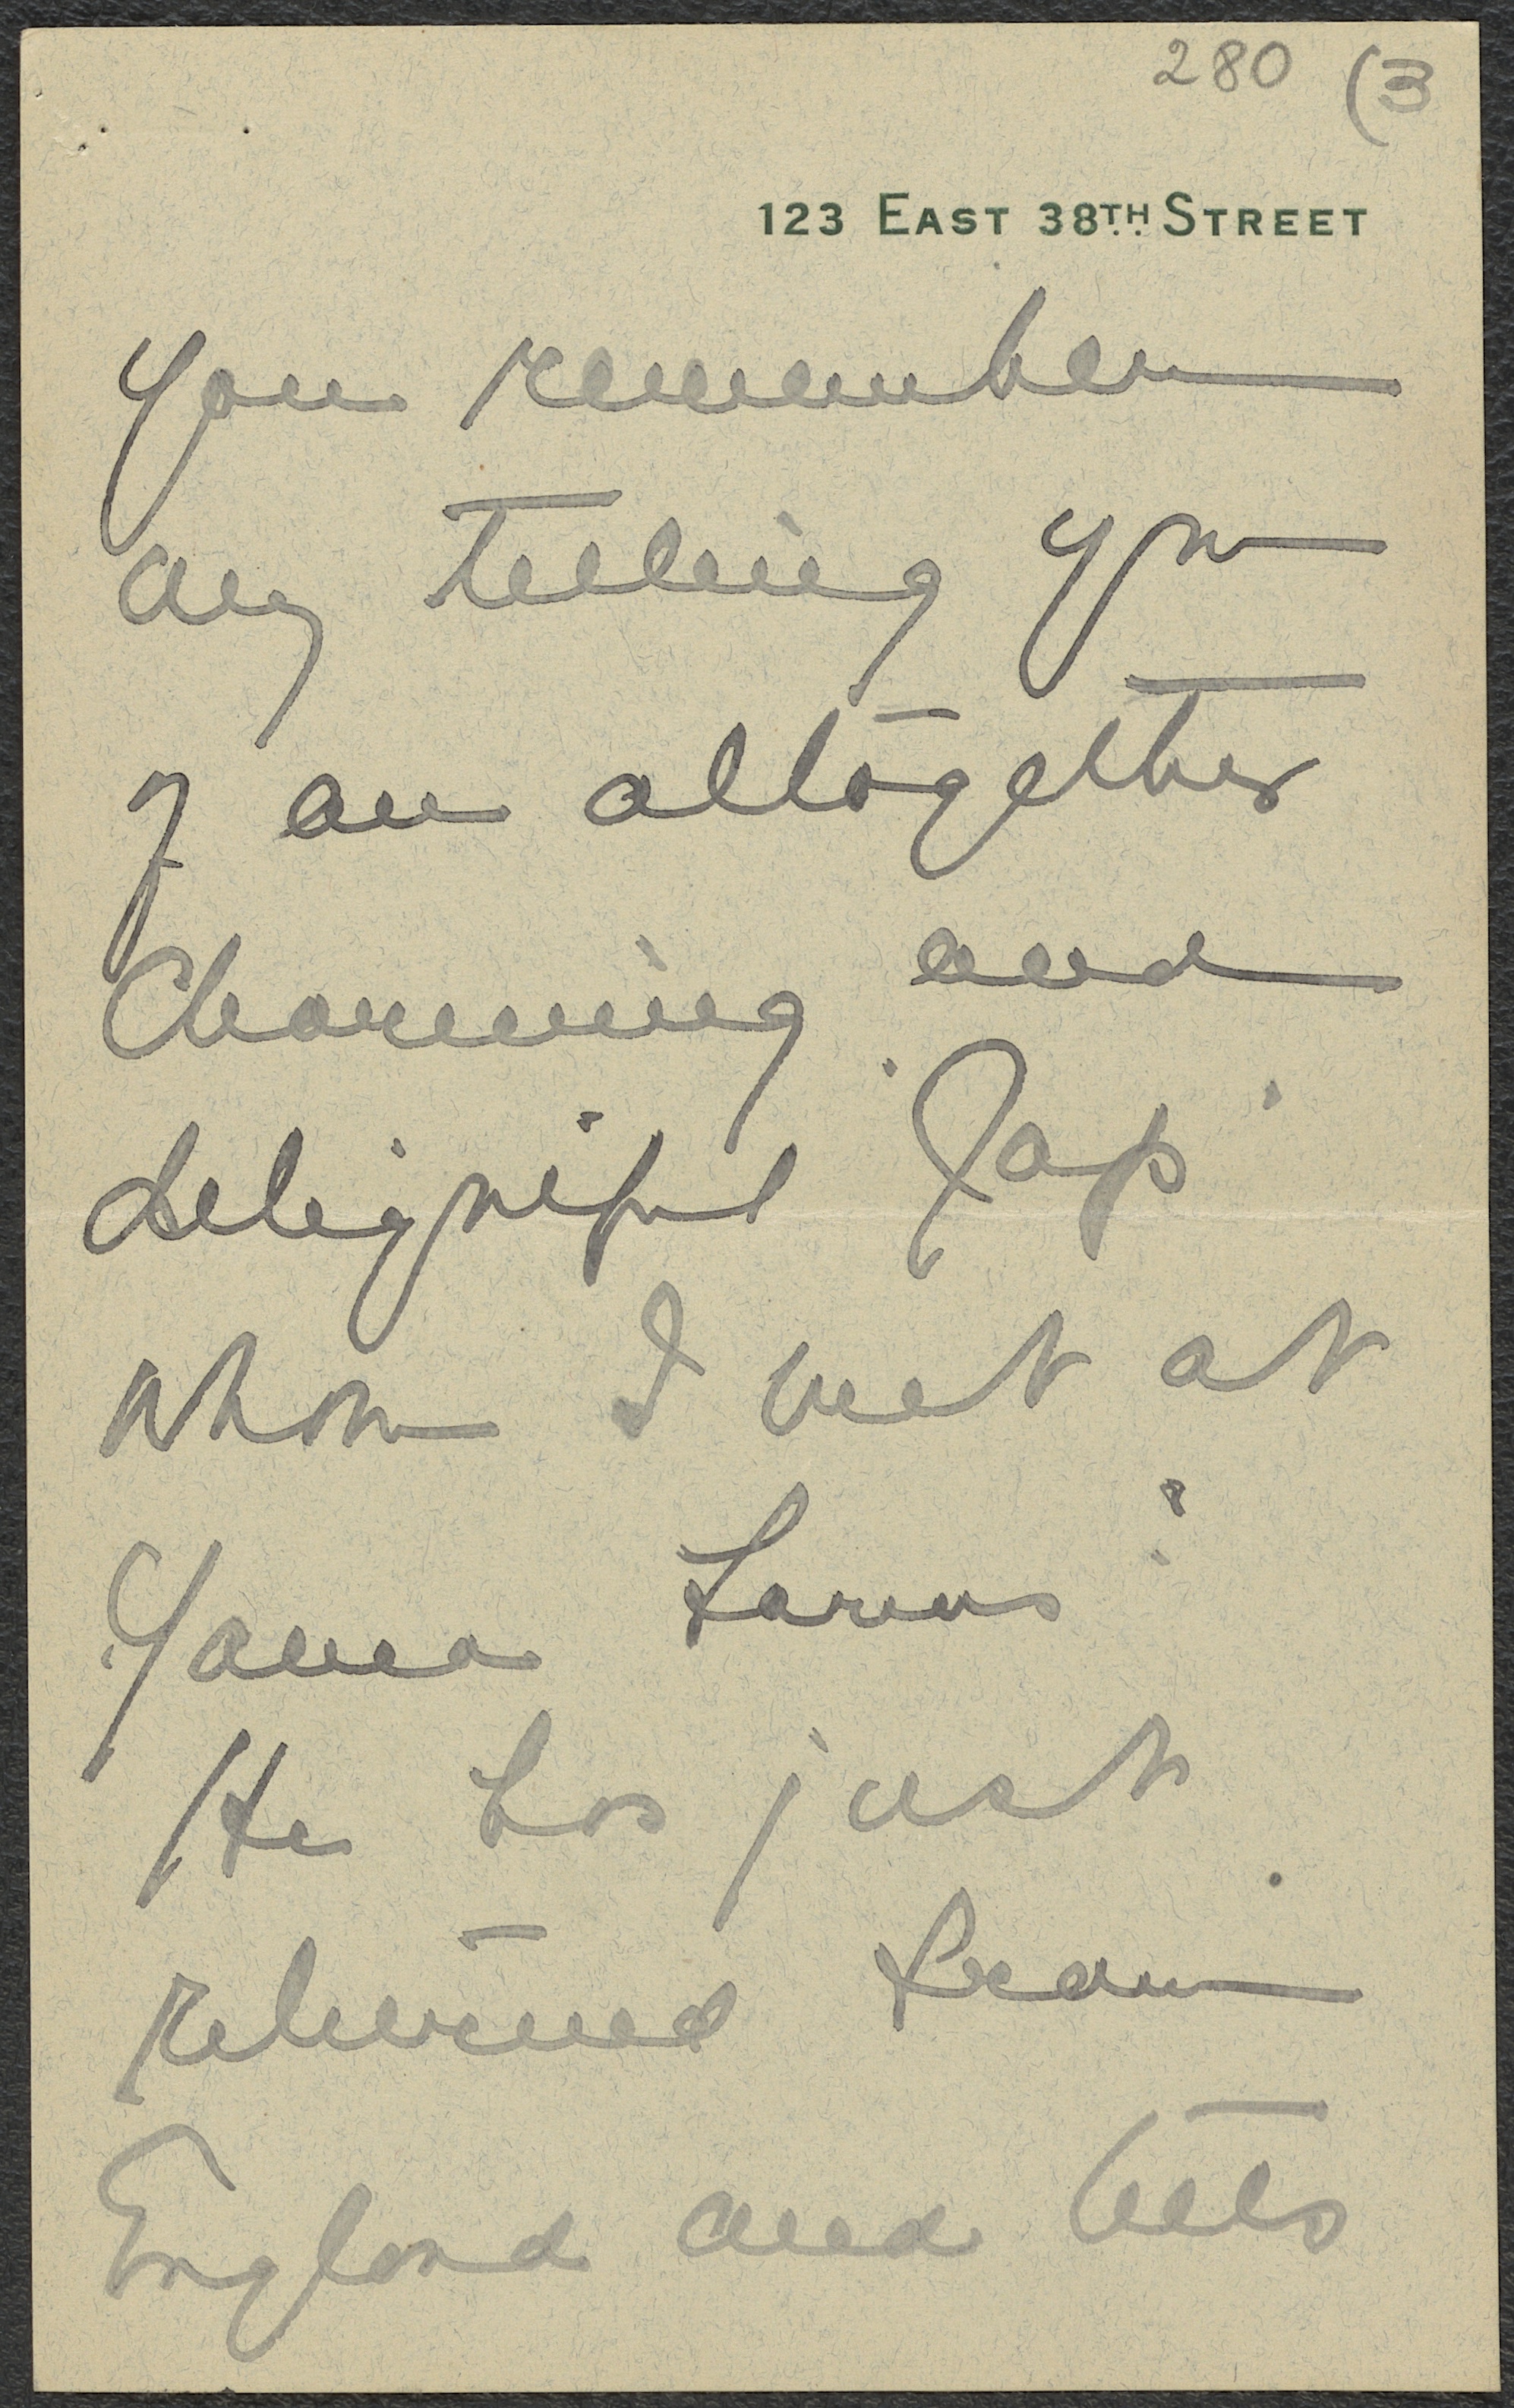you remember my telling you of an altogether charming and delightful ‘Jap’ whom I met at Yama Farms?
He has just returned from England and tells